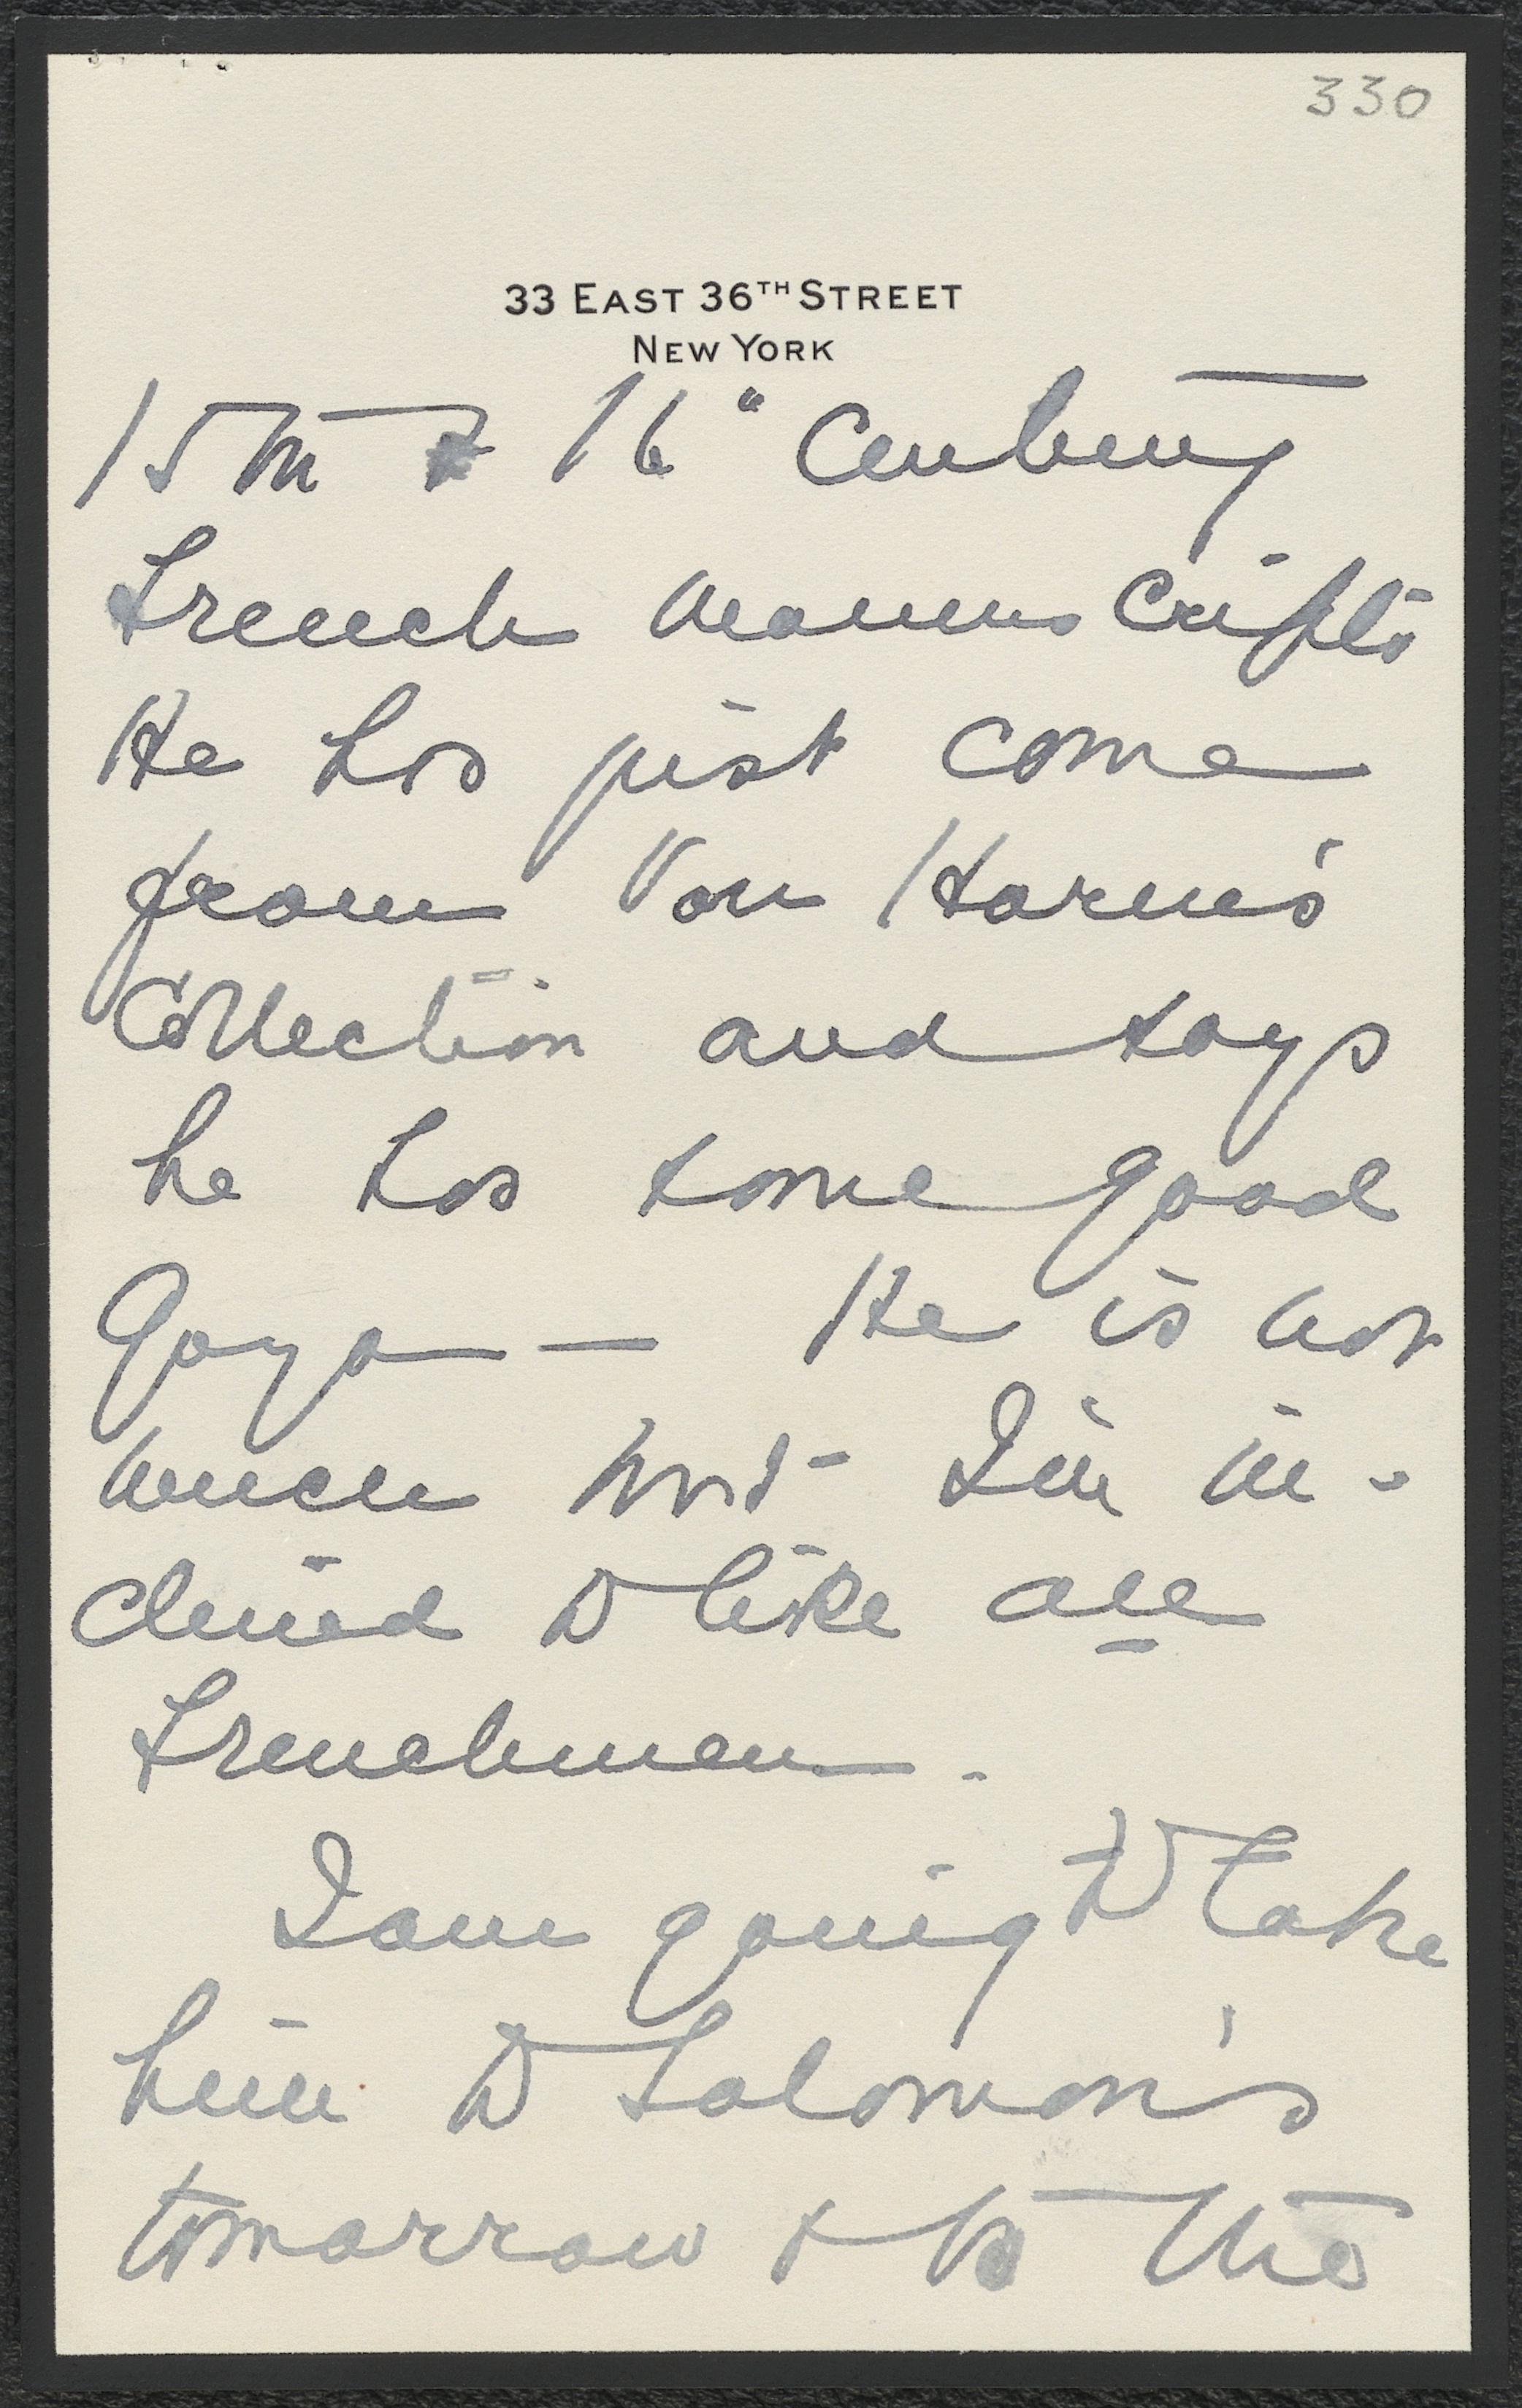15th & 16th century French manuscripts He has just come from Van Horne’s collection and says he has some good Goya – He is not much but I’m inclined to like all Frenchmen.
I am going to take him to Solomon’s tomorrow & to the